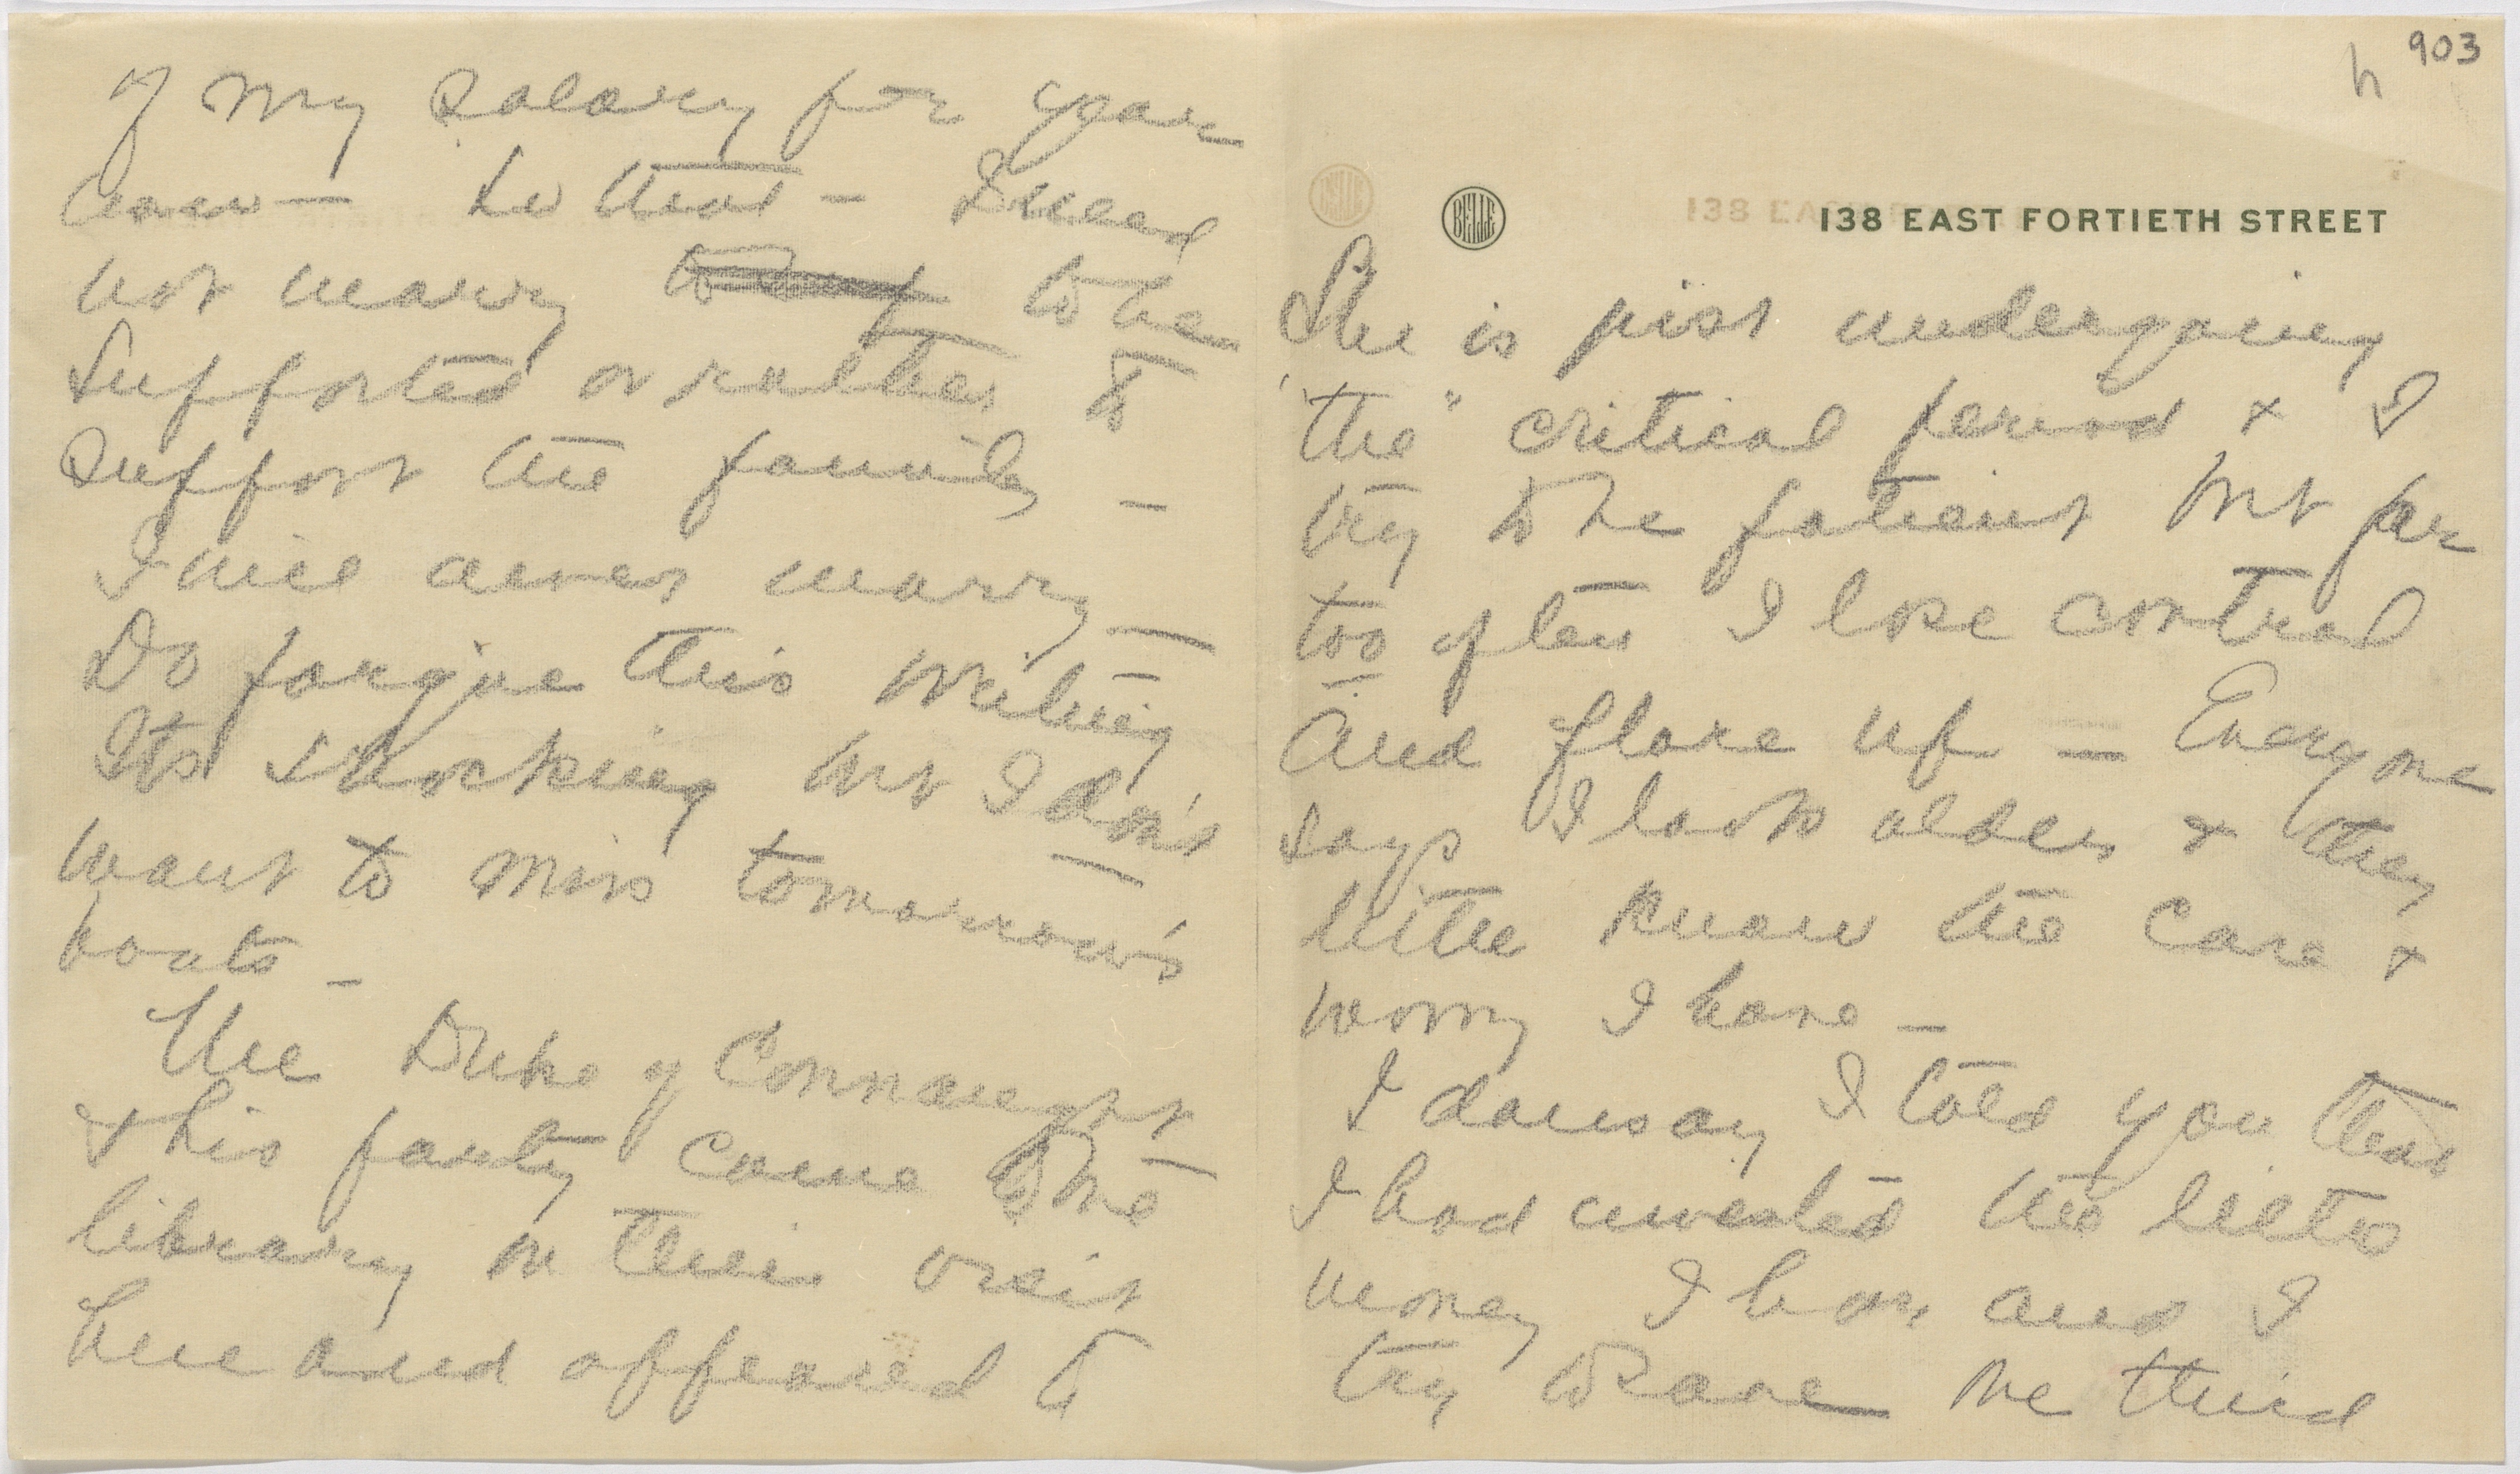She is just undergoing “the” critical period & I try to be patient but far too often I lose control and flare up – Everyone says I look older & they little know the care & worry I have –
I daresay I told you that I had invested the little money I have and I try to save the third
of my salary per year now – so that – I need not worry to sup to be supported or rather to support the family –
I will never marry –
Do forgive this writing It’s shocking but I don’t want to miss tomorrow’s boats –
The Duke of Connaught & his party came to the library on their visit here and appeared to